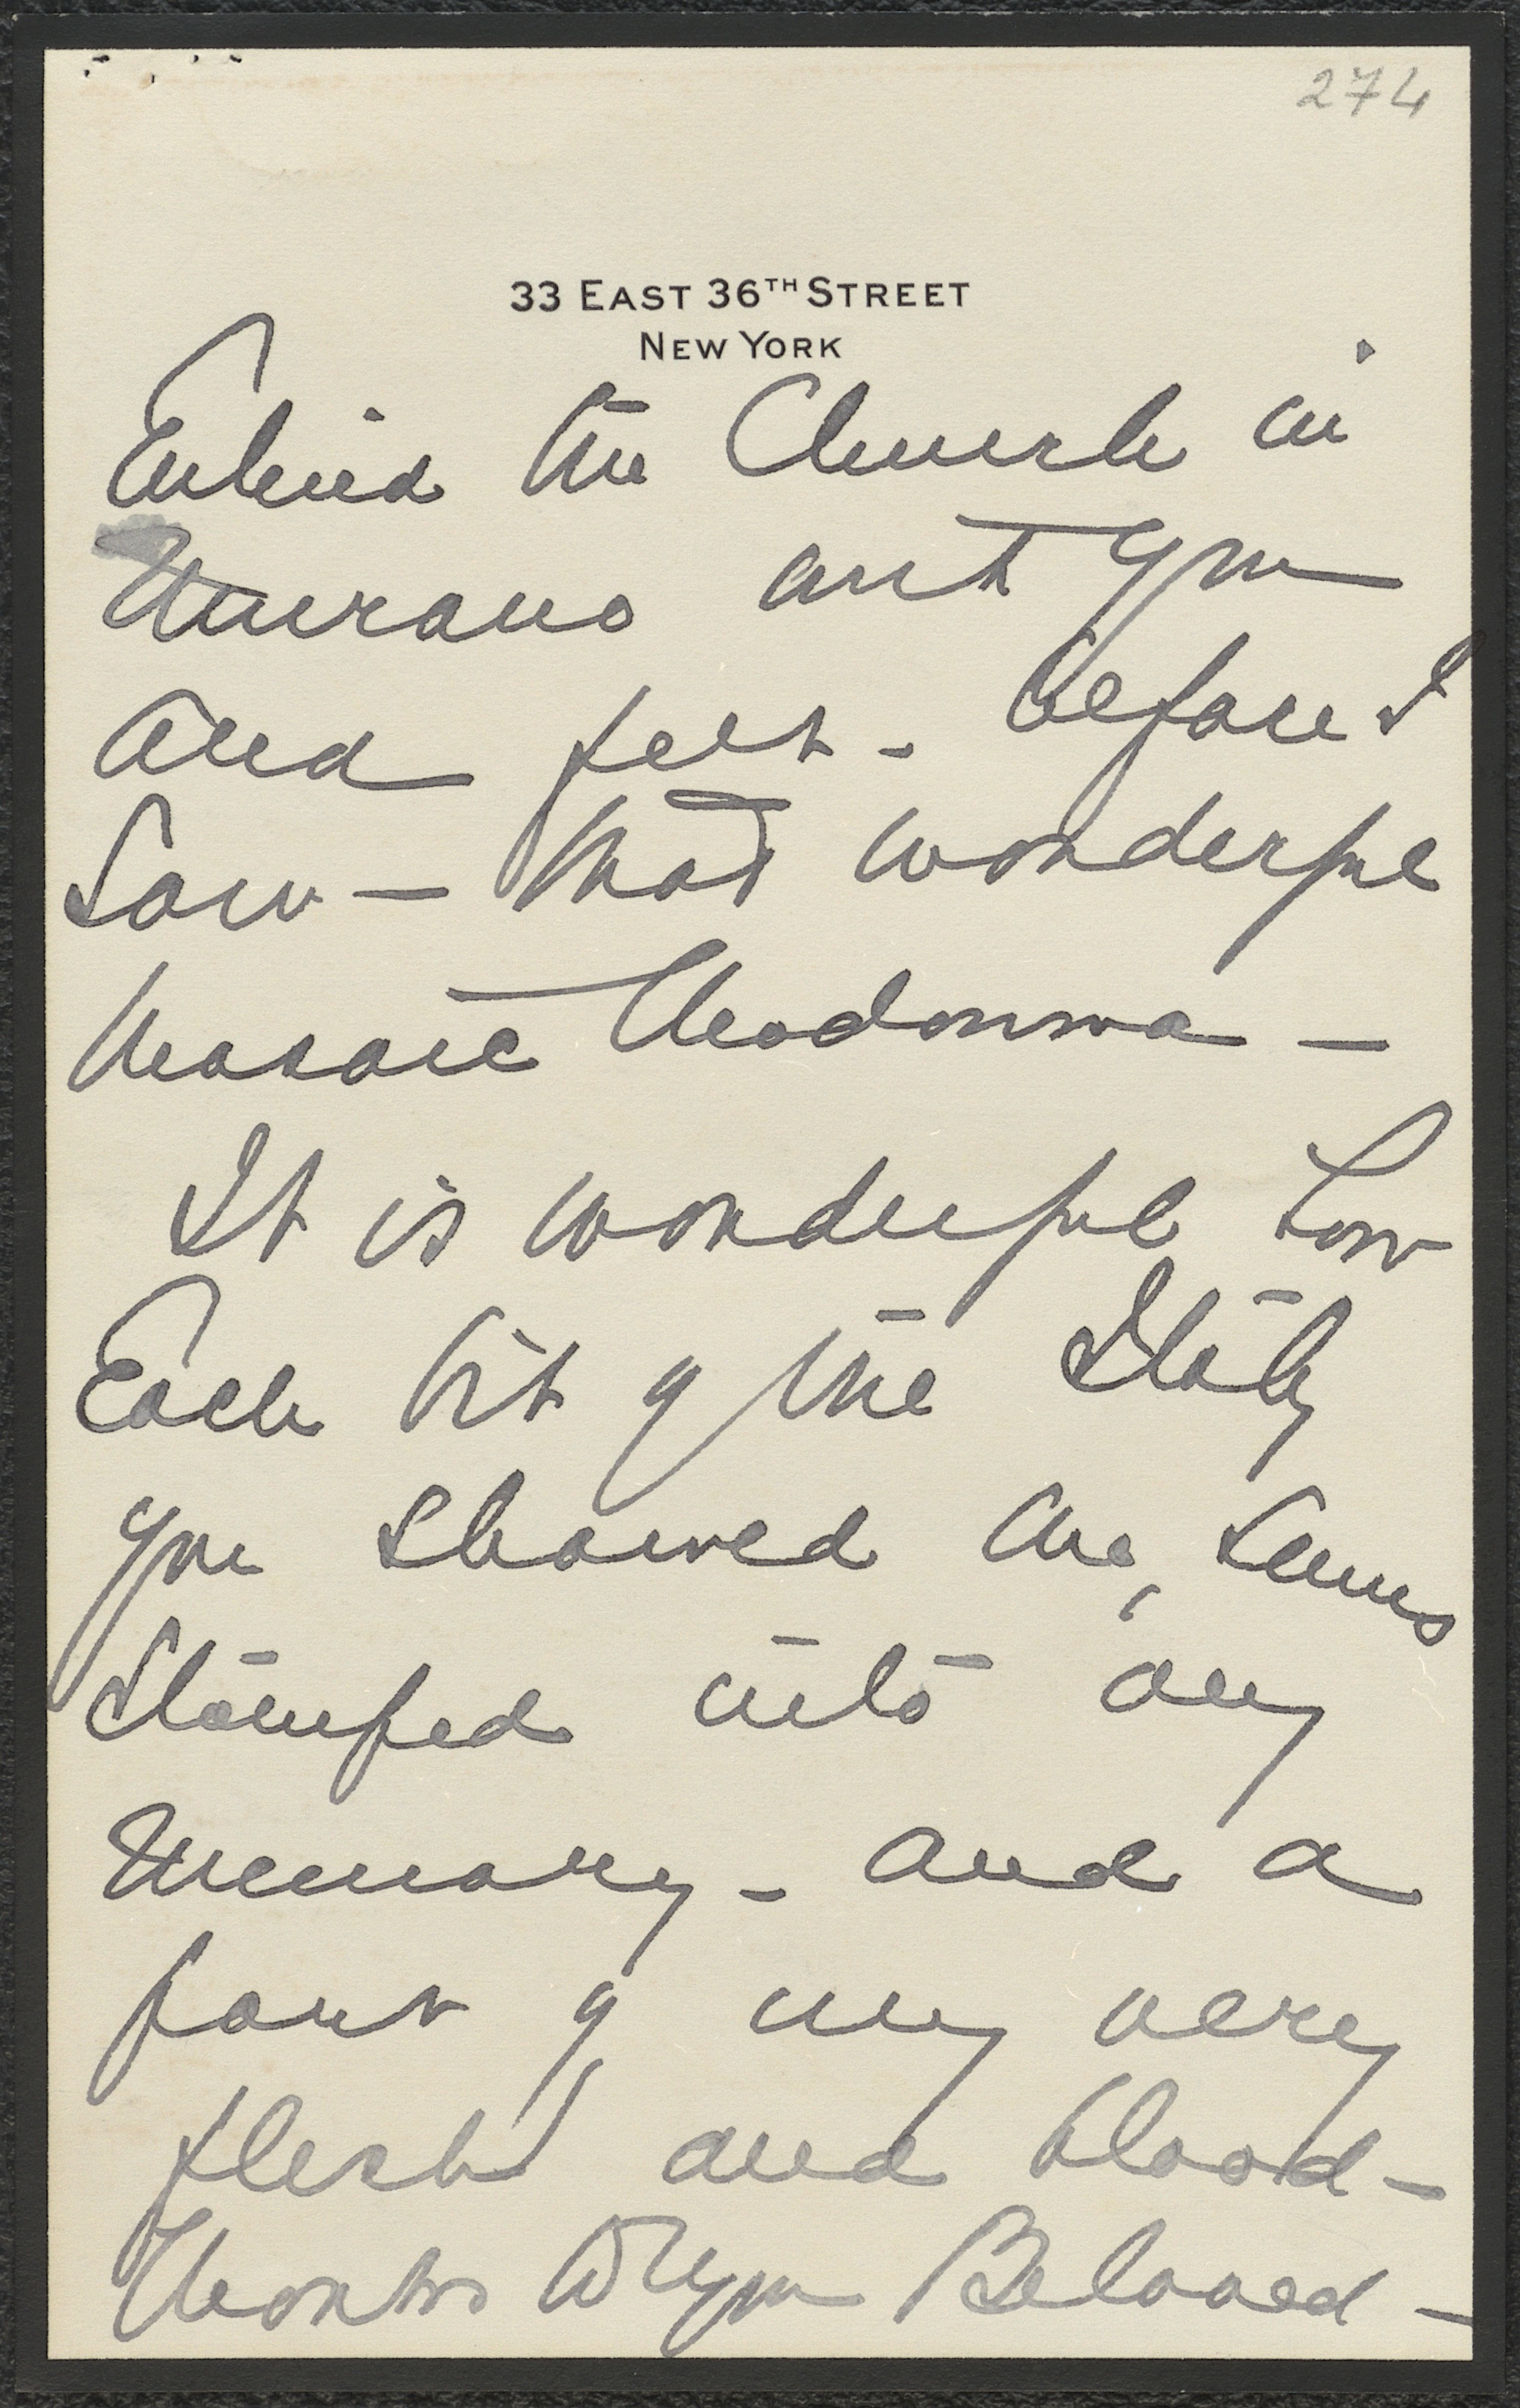Entered the Church in Murano with you and felt – before I saw – that wonderful Mosaic Madonna –
It is wonderful how each bit of the Italy you showed me, seems stamped into my memory – and a part of my very flesh and blood – Thanks to you Beloved –